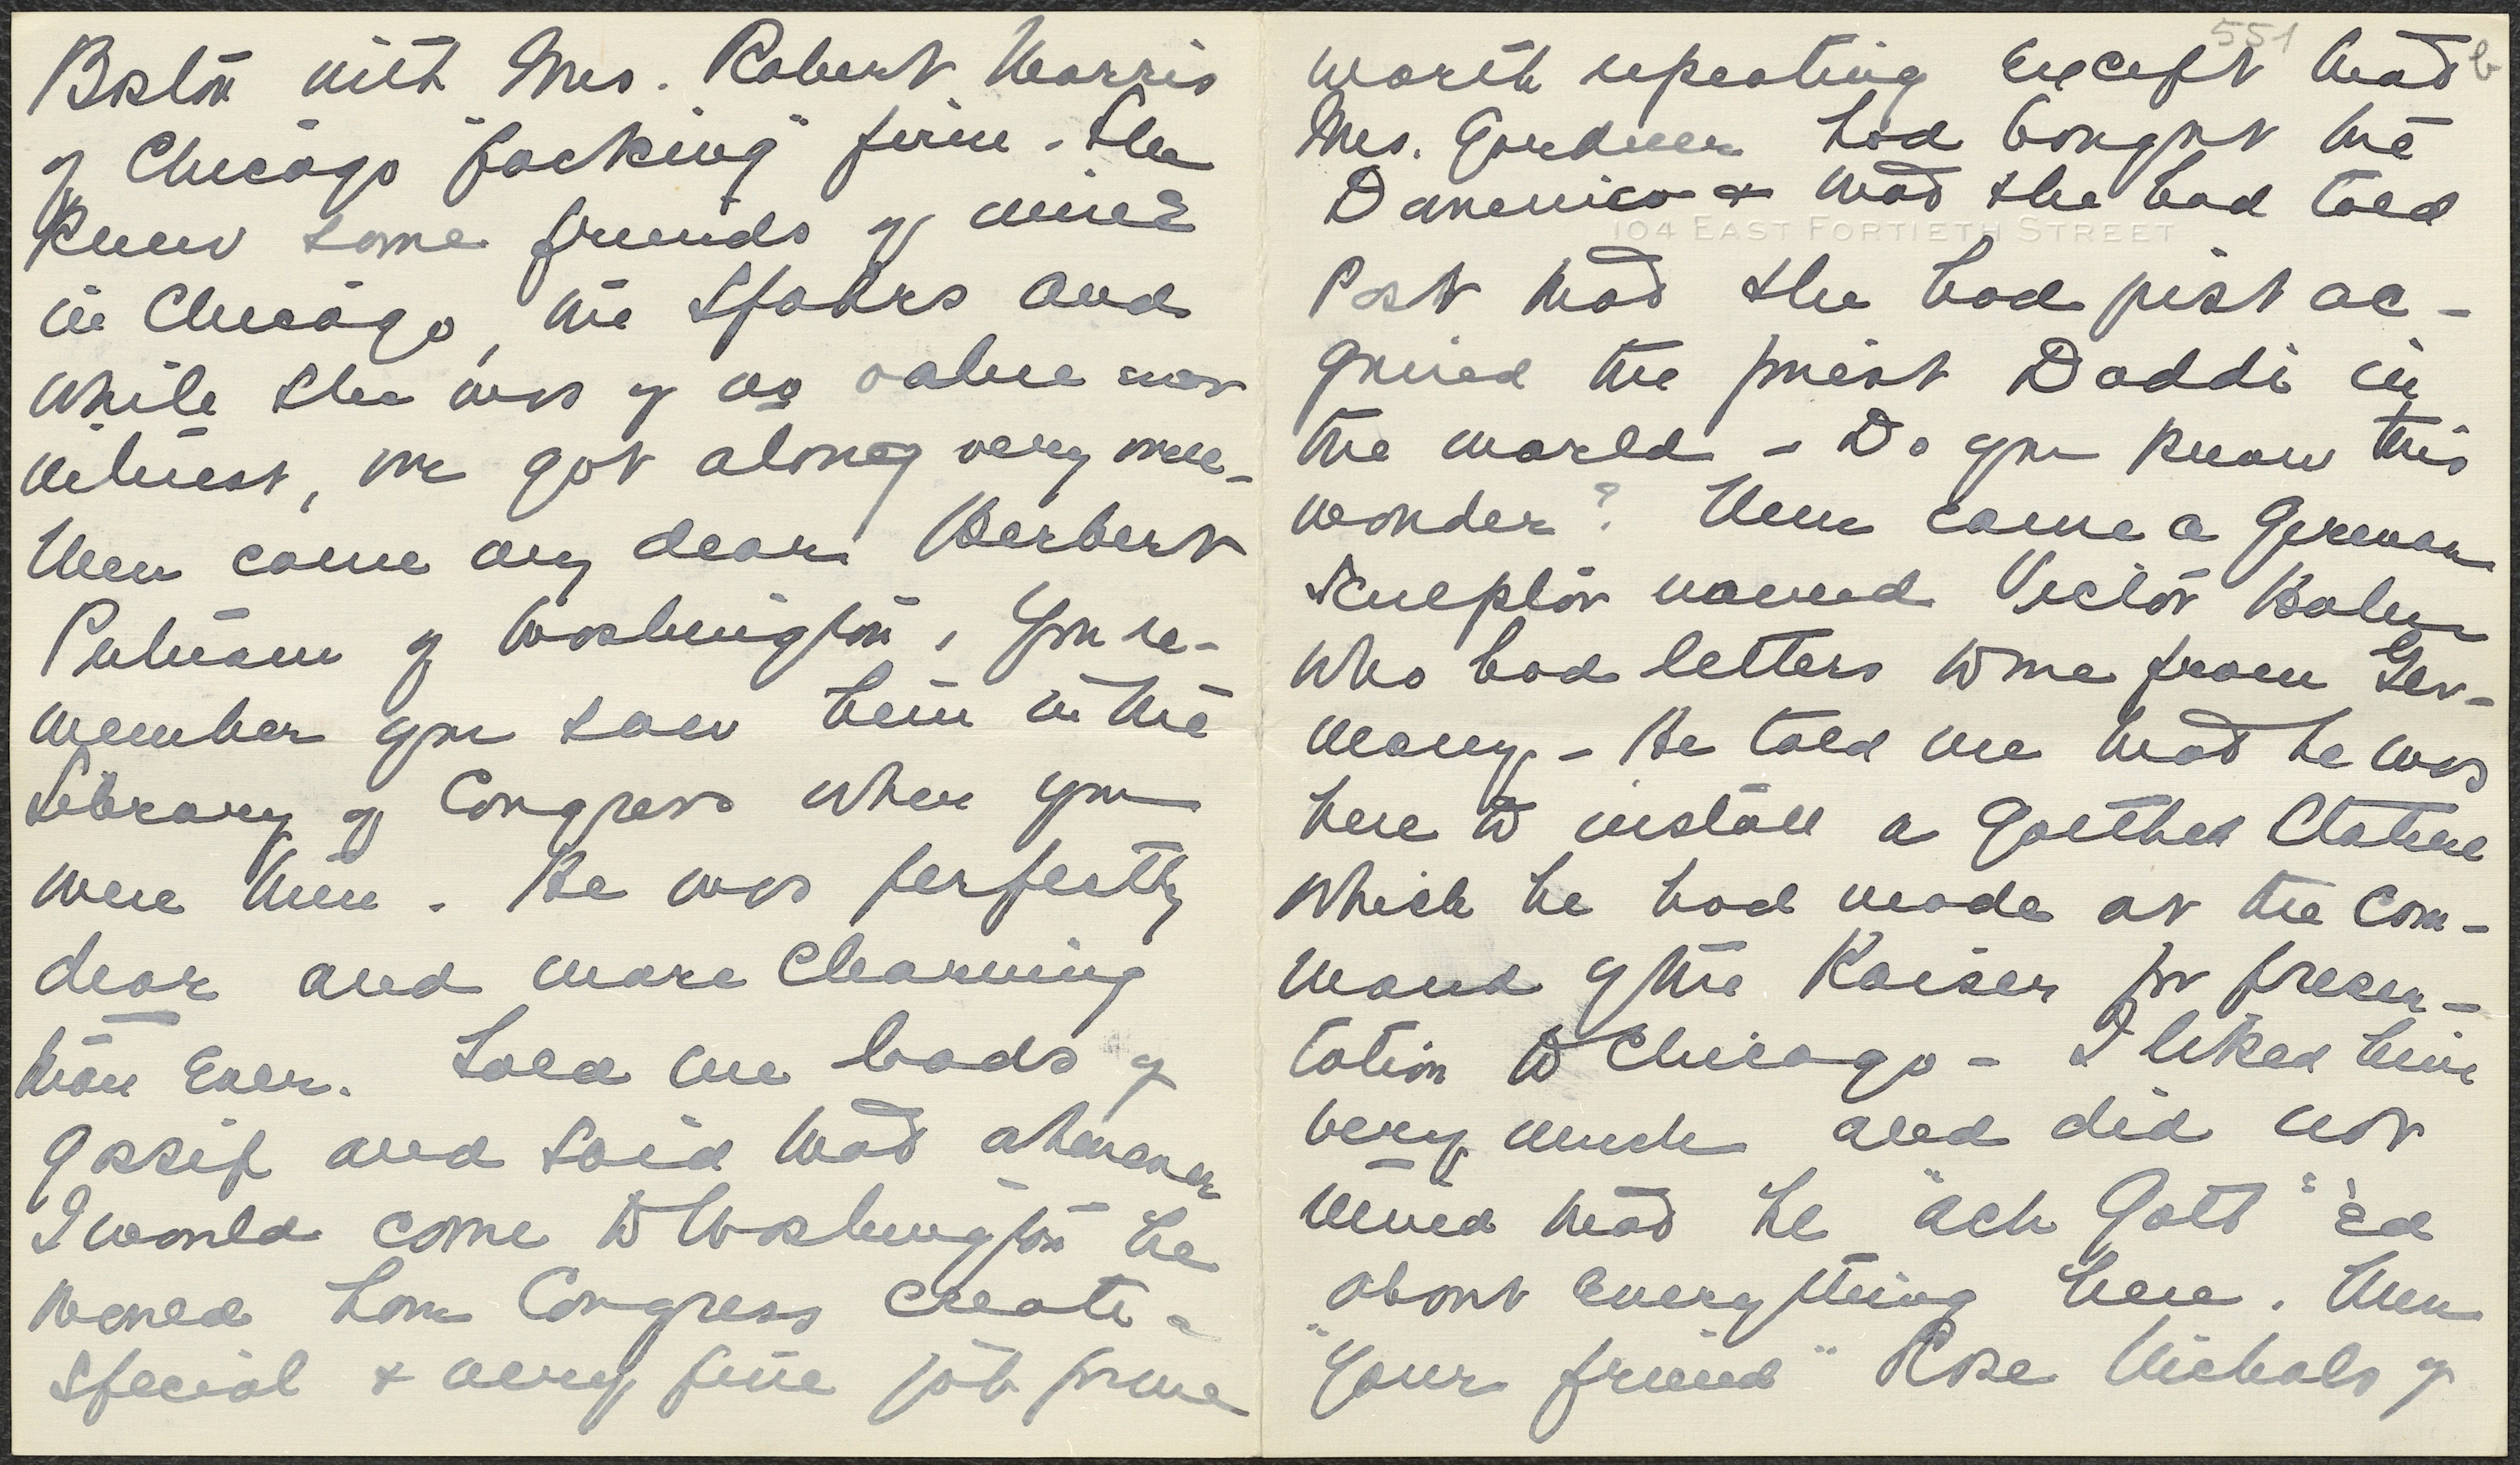worth repeating except that Mrs. Gardner had bought the Domenico & that she had told Post that she had just acquired the finest Daddi in the world – Do you know this wonder? Then came a German sculptor named Victor Kahn who had letters to me from Germany – He told me that he was here to install a Gotthei Statue which he had made at the command of the Kaiser for presentation to Chicago – I liked him very much and did not mind that he “ach Gott” ’ed about everything here. then “your friend” Rose Nichols of
Boston with Mrs. Robert Morris of Chicago “packing” firm – She knew some friends of mine in Chicago, the Spohrs and while she was of no value nor interest, we got along very well – then came my dear Herbert Putnam of Washington, You remember you saw him in the Library of Congress when you were there – He was perfectly dear and more charming than ever. Told me loads of gossip and said that whenever I would come to Washington he would have Congress create a special & very fine job for me